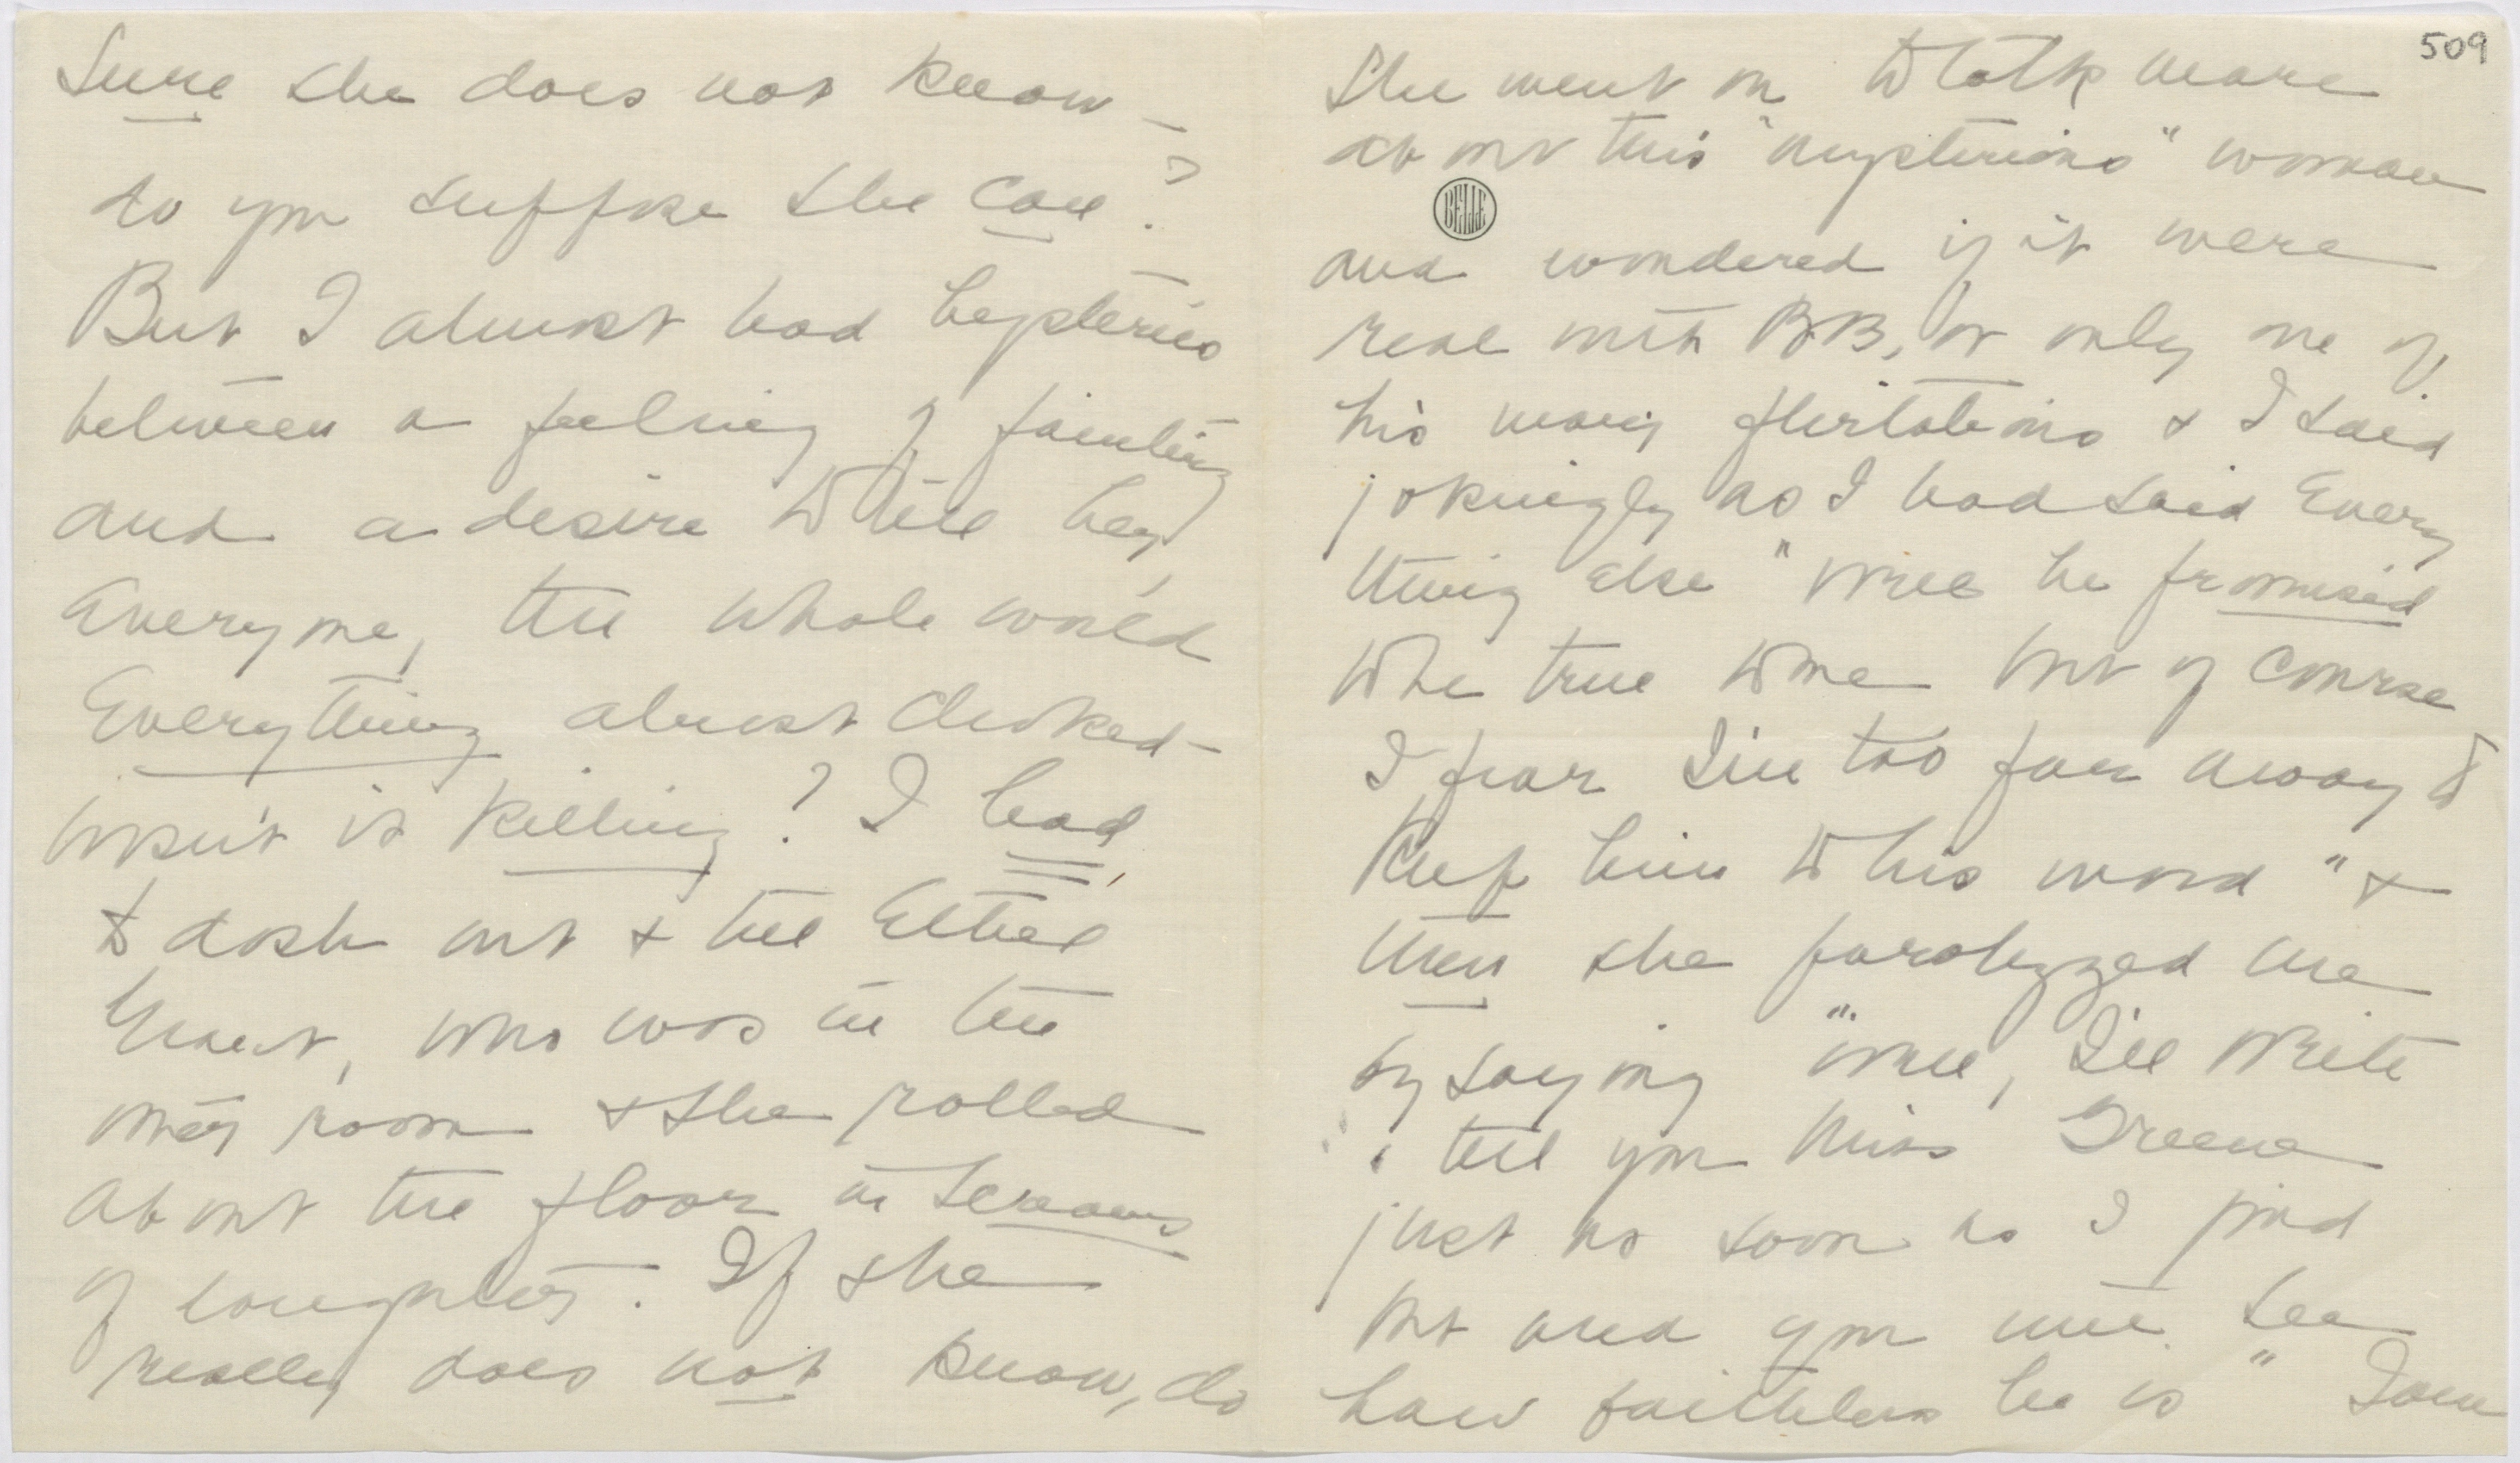she went on to talk more about this “mysterious” woman and wondered if it were real with B.B. or only one of his many flirtations & I said jokingly as I had said every thing else “well he promised to be true to me but of course I fear I’m too far away to keep him to his word” & then she paralyzed me by saying “well, I’ll write & tell you Miss Greene just as soon as I find out and you will see how faithless he is” I am
sure she does not know –
do you suppose she can?
But I almost had hysterics between a feeling of fainting and a desire to tell her, every one, the whole world every thing almost choked – Wasn’t it killing? I [double underlined: had] to dash out & tell Ethel Grant, who was in the other room & she rolled about the floor in screams of laughter. If she really does not know, do